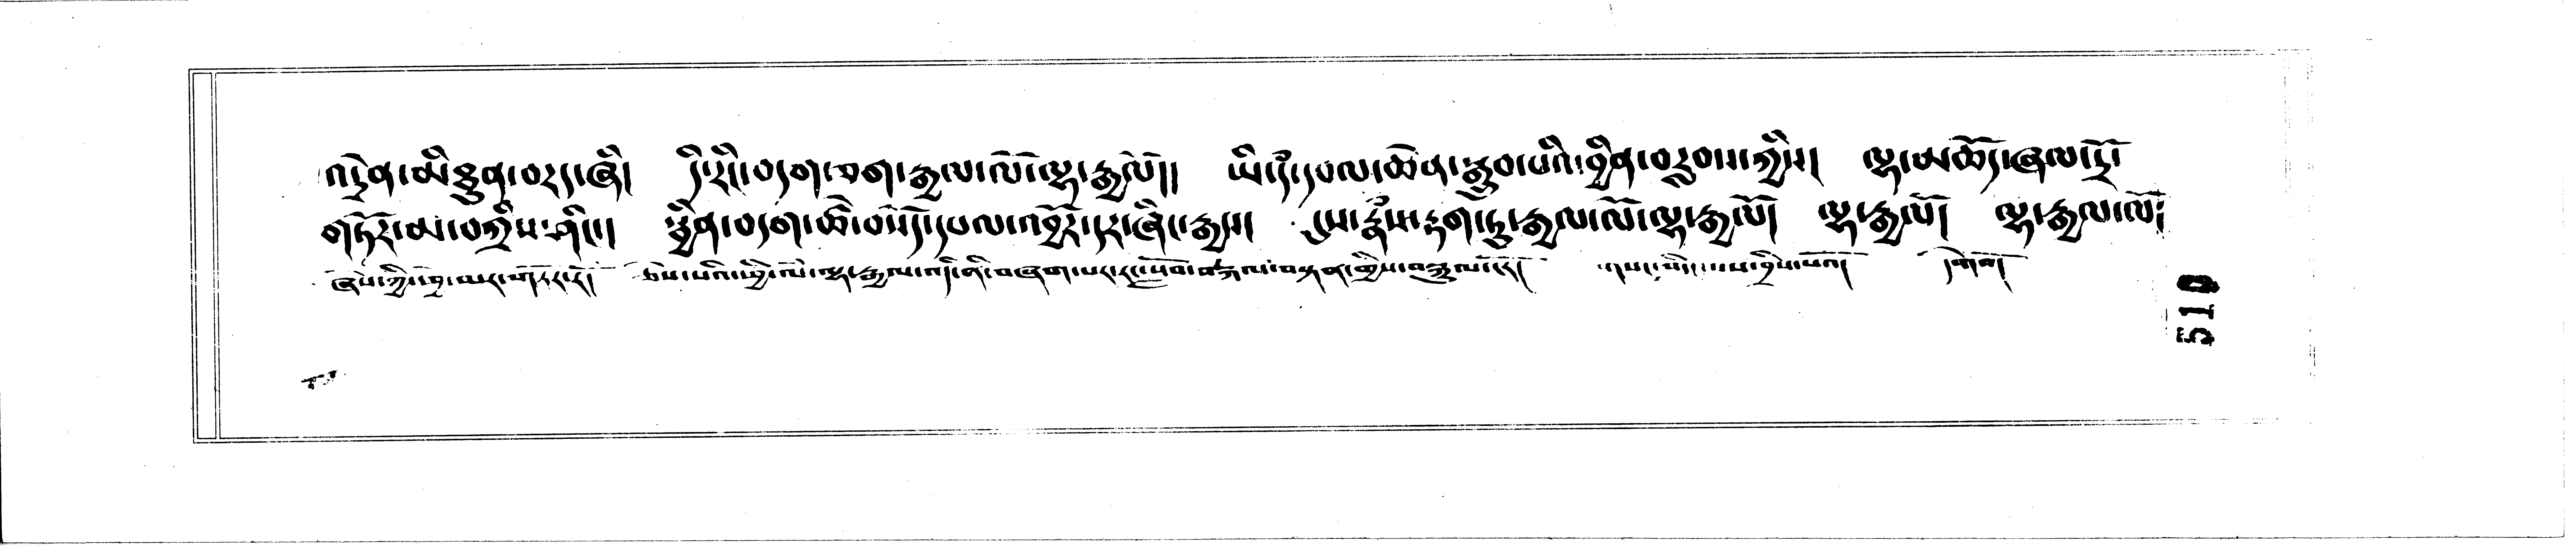འདྲེན་མི་ཐུན་བར་ཆད་ཞི། དེ་རིང་བདག་ཅག་རྒྱལ་ལོ་ལྷ་རྒྱལ་ལོ།། ཡི་དམ་དབལ་ཆེན་སྒྲུབ་པའི་བྱིན་རླབས་ཀྱིས། ལྷ་མཆོད་ཞལ་དྲོ་
གཏོར་མ་བཀྲ་ཤིས་ཤིང་། སྦྱིན་བདག་ཚེ་བསོད་དཔལ་འབྱོར་དར་ཞིང་རྒྱས། དུས་རྣམས་རྟག་ཏུ་རྒྱལ་ལོ་ལྷ་རྒྱལ་ལོ། ལྷ་རྒྱལ་ལོ། ལྷ་རྒྱལ་ལོ། 
ཞེས་ཀྱི་ཕྱེ་མར་གཏོར་རོ། ཅེས་པའི་ཕྱི་ལམ་ལྷ་རྒྱལ་འདི་ནི་བཞག་པར་རང་སློབ་བསྐལ་བསྟན་གྱིས་བསྐུལ་ངོར། གསང་གླིང་པས་བྲིས་པའོ། །དགེའོ། །